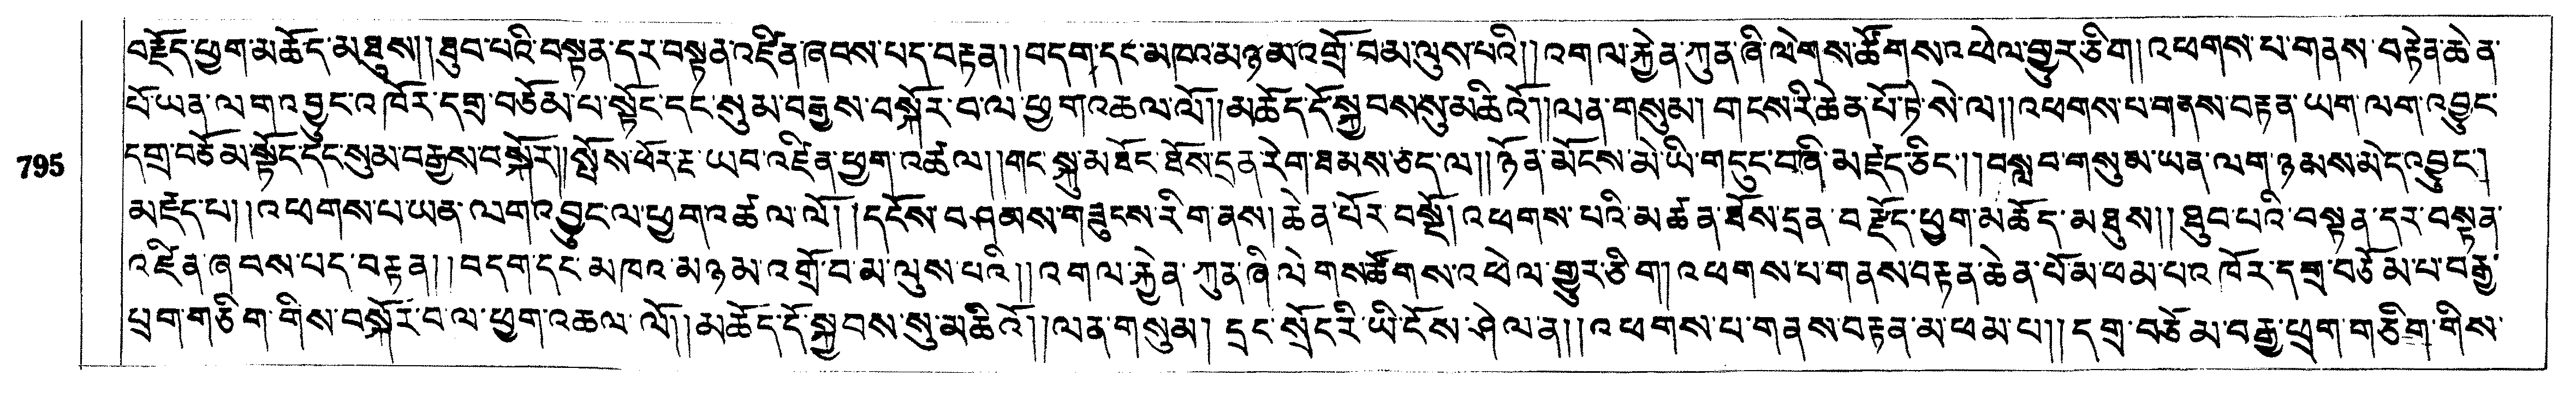བརྗོད་ཕྱག་མཆོད་མཐུས། །ཐུབ་པའི་བསྟན་དར་བསྟན་འཛིན་ཞབས་པད་བརྟན། །བདག་དང་མཁའ་མཉམ་འགྲོ་བ་མ་ལུས་པའི། །འགལ་རྐྱེན་ཀུན་ཞི་ལེགས་ཚོགས་འཕེལ་གྱུར་ཅིག །འཕགས་པ་གནས་བརྟེན་ཆེན་
པོ་ཡན་ལག་འབྱུང་འཁོར་དགྲ་བཅོམ་པ་སྟོང་དང་སུམ་བརྒྱས་བསྐོར་བ་ལ་ཕྱག་འཚལ་ལོ། །མཆོད་དོ་སྐྱབས་སུ་མཆིའོ། །ལན་གསུམ། གངས་རི་ཆེན་པོ་ཏེ་སེ་ལ། །འཕགས་པ་གནས་བརྟན་ཡན་ལག་འབྱུང་
དགྲ་བཅོམ་སྟོང་དང་སུམ་བརྒྱས་བསྐོར། །སྤོས་ཕོར་རྔ་ཡབ་འཛིན་ཕྱག་འཚལ། །གང་སྐུ་མཐོང་ཐོས་དྲན་རེག་ཐམས་ཅད་ལ། །ཉོན་མོངས་མེ་ཡི་གདུང་བཞི་མཛད་ཅིང་། །བསླབ་གསུམ་ཡན་ལག་ཉམས་མེད་འབྱུང་།
མཛད་པ། །འཕགས་པ་ཡན་ལག་འབྱུང་ལ་ཕྱག་འཚལ་ལོ། །དངོས་བཤམས་གཟུངས་རིག་ནས། ཆེན་པོར་བསྔོ། འཕགས་པའི་མཚན་ཐོས་དྲན་བརྗོད་ཕྱག་མཆོད་མཐུས། །ཐུབ་པའི་བསྟན་དར་བསྟན་
འཛིན་ཞབས་པད་བརྟན། །བདག་དང་མཁའ་མཉམ་འགྲོ་བ་མ་ལུས་པའི། །འགལ་རྐྱེན་ཀུན་ཞི་ལེགས་ཚོགས་འཕེལ་གྱུར་ཅིག །འཕགས་པ་གནས་བརྟན་ཆེན་པོ་མ་ཕམ་པ་འཁོར་དགྲ་བཅོམ་པ་བརྒྱ་
པྲག་གཅིག་གིས་བསྐོར་བ་ལ་ཕྱག་འཚལ་ལོ། །མཆོད་དོ་སྐྱབས་སུ་མཆིའོ། །ལན་གསུམ། དྲང་སྲོང་རི་ཡི་ངོས་ཤེལ་ན། །འཕགས་པ་གནས་བརྟན་མ་ཕམ་པ། །དགྲ་བཅོམ་བརྒྱ་ཕྲག་གཅིག་གིས་